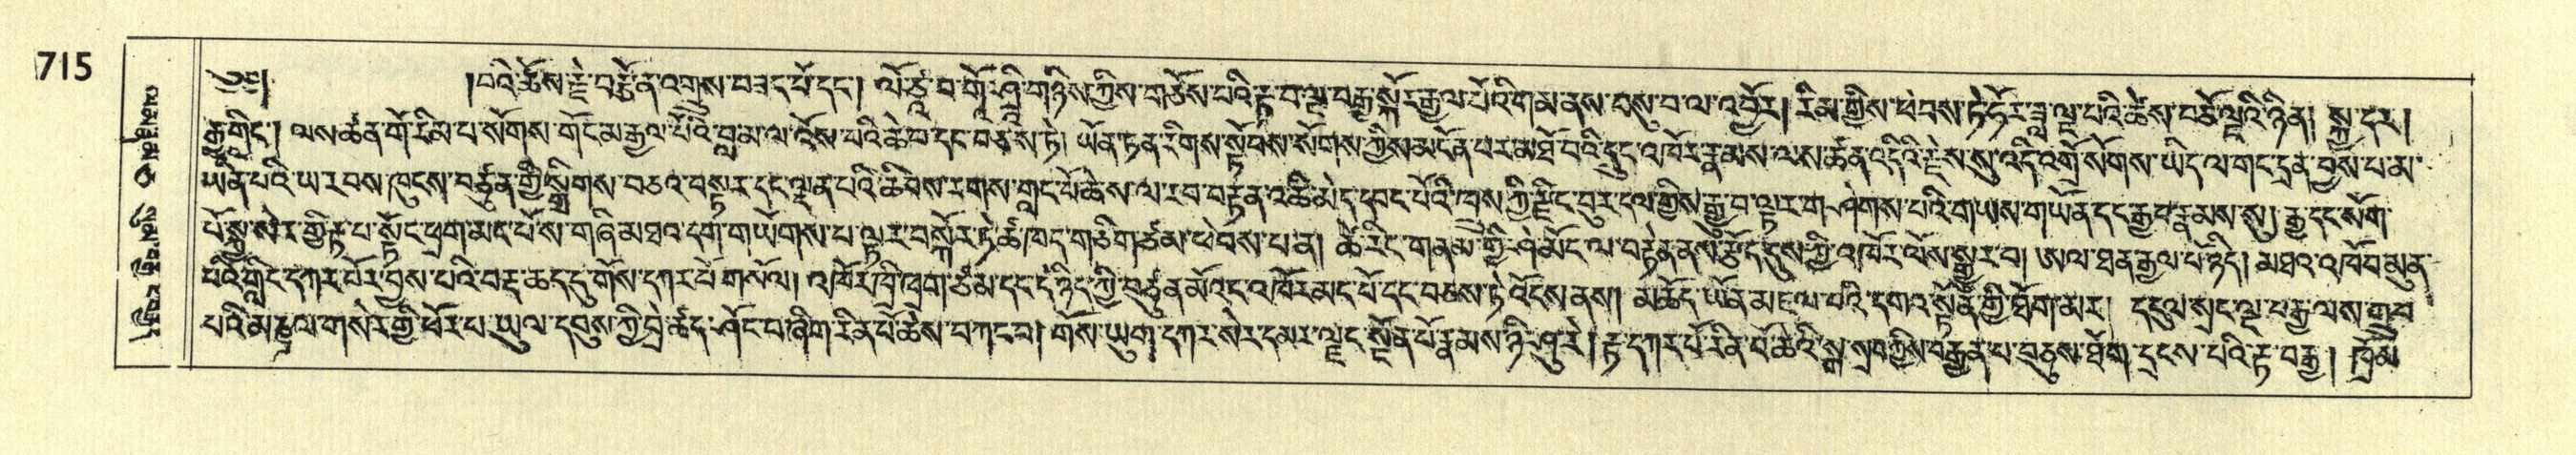༄༅། །བའི་ཆོས་རྗེ་བརྩོན་འགྲུས་བཟང་པོ་དང་། ལོ་ཙཱ་བ་གO་ཤྲཱི་གཉིས་ཀྱིས་གཙོས་པའི་རྟ་བ་ལྔ་བརྒྱ་སྐོར་རྒྱལ་པོའི་གམ་ནས་བསུ་བ་ལ་འབྱོར། རིམ་གྱིས་ཕེབས་ཏེ་ཧོར་ཟླ་ལྔ་པའི་ཚེས་བཅོ་ལྔའི་ཉིན། སྐྱ་དར།
རྒྱ་གླིང་། ལས་ཚན་གོ་རིམ་པ་སོགས་གོང་མ་རྒྱལ་པོའི་བླ་མ་ལ་འོས་པའི་ཆེ་བ་དང་བཅས་ཏེ། ཡོན་ཏན་རིགས་སྟོབས་སོགས་ཀྱིས་མངོན་པར་མཐོ་བའི་དྲུང་འཁོར་རྣམས་ལས་ཚན་འདིའི་རྗེས་སུ་འདི་འགྲོ་སོགས་ཡིད་ལ་གང་དྲན་བྱས་པ་མ་
ཡིན་པའི་ཡ་རབས་ཁུངས་བཙུན་གྱི་སྒྲིགས་བཅའ་བསྟར་དང་ལྡན་པའི་ཆིབས་རགས་གླང་པོ་ཆེ་ས་ལ་རབ་བརྟན་འཆི་མེད་དབང་པོའི་ཁྲུས་ཀྱི་རྫིང་བུར་དལ་གྱིས་རྒྱུ་བ་ལྟར་གཤེགས་པའི་གཡས་གཡོན་དང་རྒྱབ་རྣམས་སུ། རྒྱ་དང་སོག་
པོ་སྐྱ་སེར་གྱི་རྟ་པ་སྟོང་ཕྲག་མང་པོས་གཞི་མཐའ་དག་གཡོགས་པ་ལྟར་བསྐོར་ཏེ་ཚ་ཁང་གཅིག་ཙམ་ཕེབས་པ་ན། ཚེ་རིང་གནམ་གྱི་ཤེ་མོང་ལ་བརྟེན་ནས་རྩོད་དུས་ཀྱི་འཁོར་ལོས་སྒྱུར་བ། ཨལ་ཐན་རྒྱལ་པོ་ཉིད། མཐའ་འཁོབ་མུན་
པའི་གླིང་དཀར་པོར་བྱས་པའི་བརྡ་ཆད་དུ་གོས་དཀར་པོ་གསོལ། འཁོར་ཁྲི་ཁྲག་ཙམ་དང་དེ་ཉིད་ཀྱི་བཙུན་མོའང་འཁོར་མང་པོ་དང་བཅས་ཏེ་འོངས་ནས། མཆོད་ཡོན་མཇལ་བའི་དགའ་སྟོན་གྱི་ཐོག་མར། དངུལ་སྲང་ལྔ་བརྒྱ་ལས་གྲུབ་
པའི་མཎྜལ་གསེར་གྱི་ཕོར་པ་ཡུལ་དབུས་ཀྱི་བྲེ་ཚད་ཤོང་བ་ཞིག་རིན་པོ་ཆེས་བཀང་བ། གོས་ཡུག་དཀར་སེར་དམར་ལྗང་སྔོན་པོ་རྣམས་ཉི་ཤུ་རེ། རྟ་དཀར་པོ་རིན་པོ་ཆེའི་སྒ་སྲབ་ཀྱིས་བརྒྱན་པ་བཅུས་ཐོག་དྲངས་པའི་རྟ་བརྒྱ། ཁྲོམ་